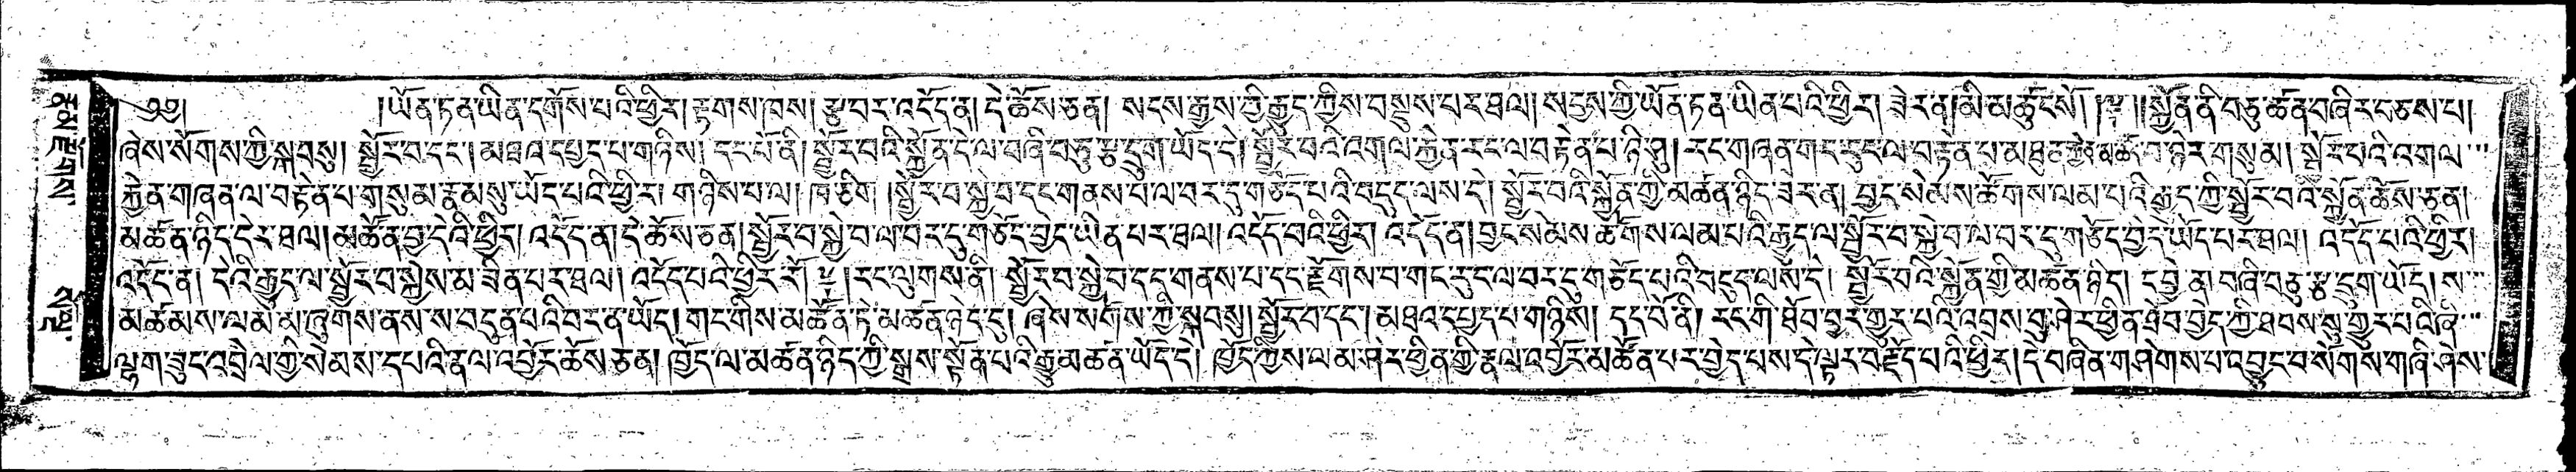༄༅། །ཡོན་ཏན་ཡིན་དགོས་པའི་ཕྱིར། རྟགས་ཁས། རྩ་བར་འདོད་ན། དེ་ཆོས་ཅན། སངས་རྒྱས་ཀྱི་རྒྱུད་ཀྱིས་བསྡུས་པར་ཐལ། སངས་རྒྱས་ཀྱི་ཡོན་ཏན་ཡིན་པའི་ཕྱིར། ཟེར་ན། མི་མཚུངས་སོ། ། ༈ །།སྐྱོན་ནི་བཅུ་ཚན་བཞིར་བཅས་པ།
ཞེས་སོགས་ཀྱི་སྐབས་སུ། སྦྱོར་བ་དང་། མཐའ་དཔྱད་པ་གཉིས། དང་པོ་ནི། སྦྱོར་བའི་སྐྱོན་དེ་ལ་བཞི་བཅུ་རྩ་དྲུག་ཡོད་དེ། སྦྱོར་བའི་འགལ་རྐྱེན་རང་ལ་བརྟེན་པ་ཉི་ཤུ། རང་གཞན་གང་རུང་ལ་བརྟེན་པ་མཐུན་རྐྱེན་མ་ཚང་བ་ཉེར་གསུམ། སྦྱོར་བའི་འགལ་
རྐྱེན་གཞན་ལ་བརྟེན་པ་གསུམ་རྣམས་སུ་ཡོད་པའི་ཕྱིར། གཉིས་པ་ལ། ཁ་ཅིག །སྦྱོར་བ་སྐྱེ་བ་དང་གནས་པ་ལ་བར་དུ་གཅོད་པའི་བདུད་ལས་དེ། སྦྱོར་བའི་སྐྱོན་གྱི་མཚན་ཉིད་ཟེར་ན། བྱང་སེམས་ཚོགས་ལམ་པའི་རྒྱུད་ཀྱི་སྦྱོར་བའི་སྐྱོན་ཆོས་ཅན།
མཚན་ཉིད་དེར་ཐལ། མཚོན་བྱ་དེའི་ཕྱིར། འདོད་ན། དེ་ཆོས་ཅན། སྦྱོར་བ་སྐྱེ་བ་ལ་བར་དུ་གཅོད་བྱེད་ཡིན་པར་ཐལ། འདོད་པའི་ཕྱིར། འདོད་ན། བྱང་སེམས་ཚོགས་ལམ་པའི་རྒྱུད་ལ་སྦྱོར་བ་སྐྱེ་བ་ལ་བར་དུ་གཅོད་བྱེད་ཡོད་པར་ཐལ། འདོད་པའི་ཕྱིར་
འདོད་ན། དེའི་རྒྱུད་ལ་སྦྱོར་བ་སྐྱེས་མ་ཟིན་པར་ཐལ། འདོད་པའི་ཕྱིར་རོ། ༈ །རང་ལུགས་ནི། སྦྱོར་བ་སྐྱེ་བ་དང་གནས་པ་དང་རྫོགས་པ་གང་རུང་ལ་བར་དུ་གཅོད་པའི་བདུད་ལས་དེ། སྦྱོར་བའི་སྐྱོན་གྱི་མཚན་ཉིད། དབྱེ་ན། བཞི་བཅུ་རྩ་དྲུག་ཡོད། ས་
།མཚམས་ལམ་མ་ཞུགས་ནས་ས་བདུན་པའི་བར་ན་ཡོད། གང་གིས་མཚོན་ཏེ་མཚན་ཉིད་དུ། ཞེས་སོགས་ཀྱི་སྐབས་སུ། སྦྱོར་བ་དང་། མཐའ་དཔྱད་པ་གཉིས། དང་པོ་ནི། རང་གི་ཐོབ་བྱར་གྱུར་པའི་འབྲས་བུ་ཤེར་ཕྱིན་ཐོབ་བྱེད་ཀྱི་ཐབས་སུ་གྱུར་པའི་ཞི་
ལྷག་ཟུང་འབྲེལ་གྱི་སེམས་དཔའི་རྣལ་འབྱོར་ཆོས་ཅན། ཁྱོད་ལ་མཚན་ཉིད་ཀྱི་སྒྲས་སྟོན་པའི་རྒྱུ་མཚན་ཡོད་དེ། ཁྱོད་ཀྱིས་ལམ་ཤེར་ཕྱིན་གྱི་རྣལ་འབྱོར་མཚོན་པར་བྱེད་པས་དེ་ལྟར་བརྗོད་པའི་ཕྱིར། དེ་བཞིན་གཤེགས་པ་འབྱུང་བ་སོགས་གཞི་ཤེས་